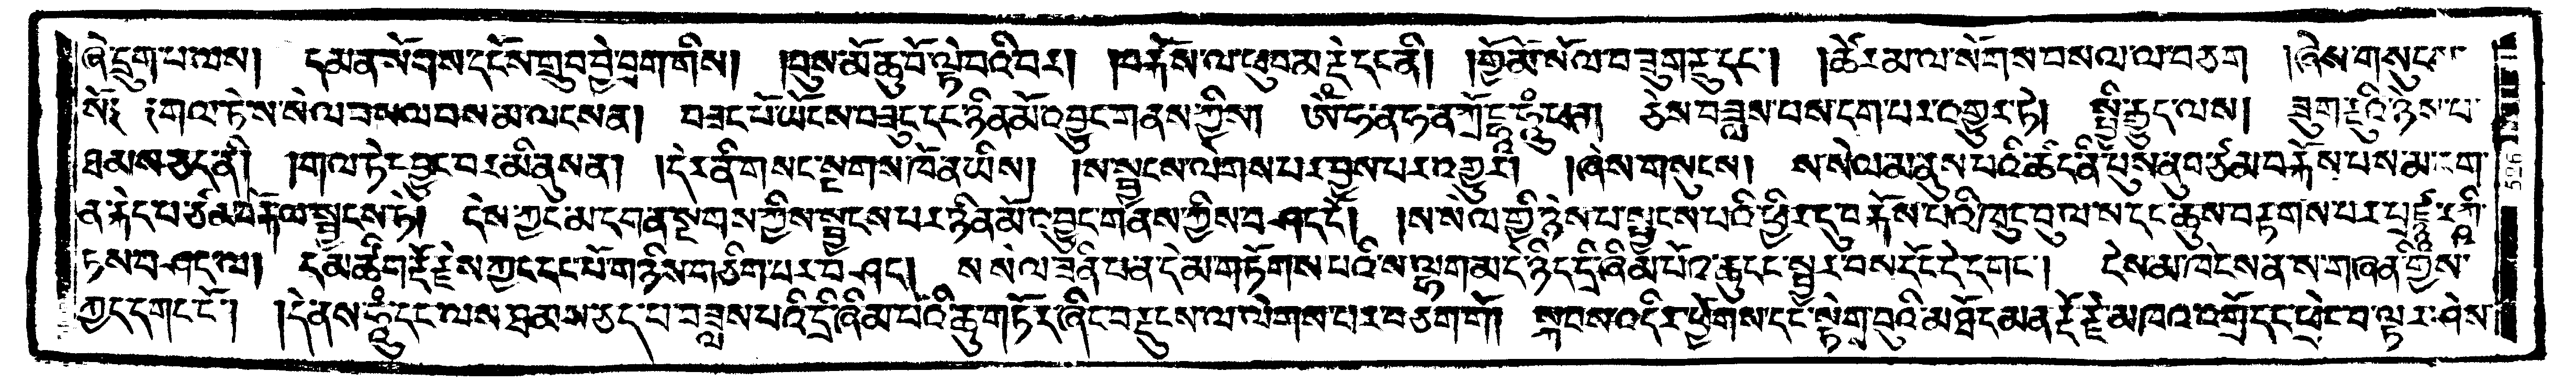ཞེ་དྲུག་པ་ལས། དམན་སོགས་དངོས་གྲུབ་བྱེ་བྲག་གིས། །བུས་མོ་ཆུ་བོ་ལྟེ་བའི་བར། །བརྐོས་ལ་ཕུབ་མ་རྡེ་དང་ནི། །གྱོ་མོ་སོལ་བཟུག་རྡུ་དང་། །ཚེར་མ་ལ་སོགས་བསལ་ལ་བཅག །ཞེས་གསུངས་
སོ། །གལ་ཏེ་ས་སེལ་བསལ་བསམ་ལངས་ན། བཟང་པོ་ཡོངས་བཟུང་དང་ཉིན་མོ་འབྱུང་གནས་ཀྱིས། ཨོཾ་ཧ་ན་ཧ་ན་ཀྲོ་དྷཱ་ཧཱུཾ་ཕཊ། ཅེས་བཟླས་པས་དག་པར་འགྱུར་ཏེ། སྤྱི་རྒྱུད་ལས། ཟུག་རྡུའི་ཉེས་པ་
ཐམས་ཅད་ནི། །གལ་ཏེ་དབྱུང་བར་མི་ནུས་ན། །དེར་ནི་གསང་སྔགས་ཁོན་ཡིས། །ས་སྦྱངས་ལེགས་པར་བྱས་པར་འགྱུར། །ཞེས་གསུངས། ས་སེལ་མ་ནུས་པའི་ཆིད་ནི་པུས་ནུབ་ཙམ་བརྐོས་པས་མ་དག་
ན་རྐེད་པ་ཙམ་བོ་རྐལ་སྦྱངས་ཏེ། དེས་ཀྱང་མ་དབན་སྔགས་ཀྱིས་སྦྱངས་པར་ཉིན་མོ་འབྱུང་གནས་ཀྱིས་བཤད་དོ། །ས་སོལ་གྱི་ཉེས་པ་སྦྱངས་པའི་ཕྱིར་དུ་བརྐོས་པའི་ཁུང་བུ་ལ་ས་དང་ཆུས་བརྟགས་པར་པྲ་ཛྙ་ར་ཀྵི་
ཏས་བཤད་ལ། དམ་ཚིག་རྡོ་རྗེས་ཀྱང་དང་པོ་གཉིས་གཅིག་པར་བཤད། ས་སེལ་ཟིན་པ་ན་དེ་མ་གཏོགས་པའི་ས་ལྷག་མ་དེ་ཉིད་དྲི་ཞིམ་པའོ་ཆུ་དང་སྦྱར་བས་དོང་དེ་དགང་། དེས་མ་ཁེངས་ན་ས་གཞན་གྱིས་
ཀྱང་དག་ངོ། །དེ་ནས་ཧཱུཾ་དང་ལས་ཐམས་ཅད་པ་བཟླས་པའི་དྲི་ཞིམ་པའི་ཧུ་གཏོར་ཞིང་བརྡུངས་ལ་ལེགས་པར་བཅག་གོ། སྐབས་འདིར་ཕྱོགས་དང་སྟེགས་བུའི་མཐོང་མན་རྡོ་རྗེ་མཁའ་འགྲོ་དང་ཕྲེང་བ་ལྟར་ཤེས་